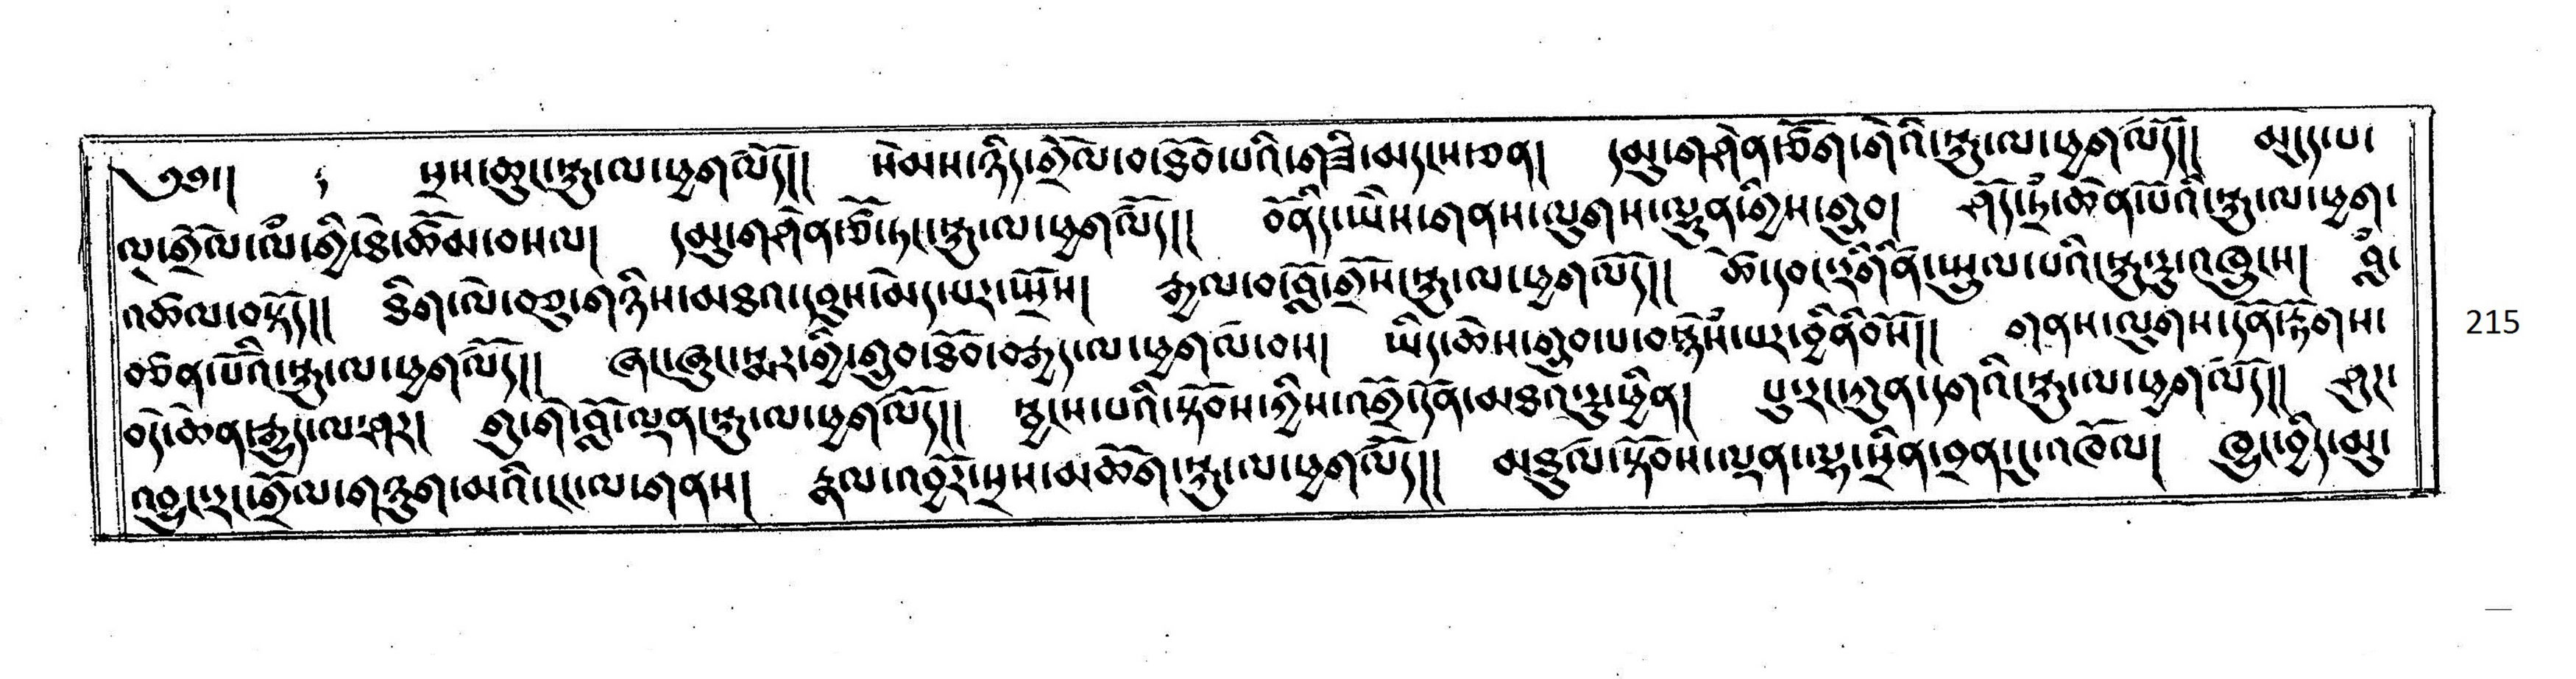སྲས་ཆུང་སྐུ་ལ་ཕྱག་འཚལ་བསྟོད།། སེམས་ཉིད་གྲོལ་བ་ཐོབ་པའི་གཟི་མདངས་ཅན། དམུ་གཤེན་ཙོག་གེའི་སྐུ་ལ་ཕྱག་འཚལ་བསྟོད། མདུད་པ་
ལྔ་གྲོལ་ལམ་གྱི་ཐེ་ཚོམ་བསལ། དམུ་གཤེན་ཙོ་ཏང་སྐུ་ལ་ཕྱག་འཚལ་བསྟོད།། བོན་ཉིད་ཡེ་ཤེས་གནས་ལུགས་ལྷུན་གྱིས་གྲུབ། ཤོད་ཏྲཾ་ཆེན་པོའི་སྐུ་ལ་ཕྱག་
འཚལ་བསྟོད།། ཐིག་ལེ་བཅུ་གཉིས་མཐའ་དབུས་མེད་པར་སྤྲོས། རྒྱལ་བ་བློ་གྲོས་སྐུ་ལ་ཕྱག་འཚལ་སྟོད། ཚེ་དབང་རིག་འཛིན་སྤྲུལ་པའི་སྐུ་རུ་འཁྲུངས། བླ་མ་
བཙན་པོའི་སྐུ་ལ་ཕྱག་འཚལ་བསྟོད།། ཞང་ཞུང་སྨར་གྱི་གྲུབ་ཐོབ་བརྒྱད་ལ་ཕྱག་འཚལ་བས། ཡིད་ཆེས་གྲུབ་པ་བསྙེམས་པར་བྱིན་གྱིས་རློབས།། གནས་ལུགས་དོན་རྟོགས་
བདེ་ཆེན་རྒྱུད་ལ་ཤར། གུ་གེ་བློ་ལྡན་སྐུ་ལ་ཕྱག་འཚལ་བསྟོད།། སྦྱངས་པའི་སྟོབས་ཀྱིས་འགྲོ་དོན་མཐའ་རུ་ཕྱིན། པུ་རང་ཀུན་དགའི་སྐུ་ལ་ཕྱག་འཚལ་བསྟོད། ཤུགས་
འབྱུང་རང་གྲོལ་གཉུག་མའི་ངང་ལ་གནས། རྣལ་འབྱོར་སྲས་མཆོག་སྐུ་ལ་ཕྱག་འཚལ་བསྟོད། མཐུ་རྩལ་སྟོབས་ལྡན་ལྷ་སྲིན་བྲན་དུ་འཁོལ། ཁྱུང་བྱིད་མུ་